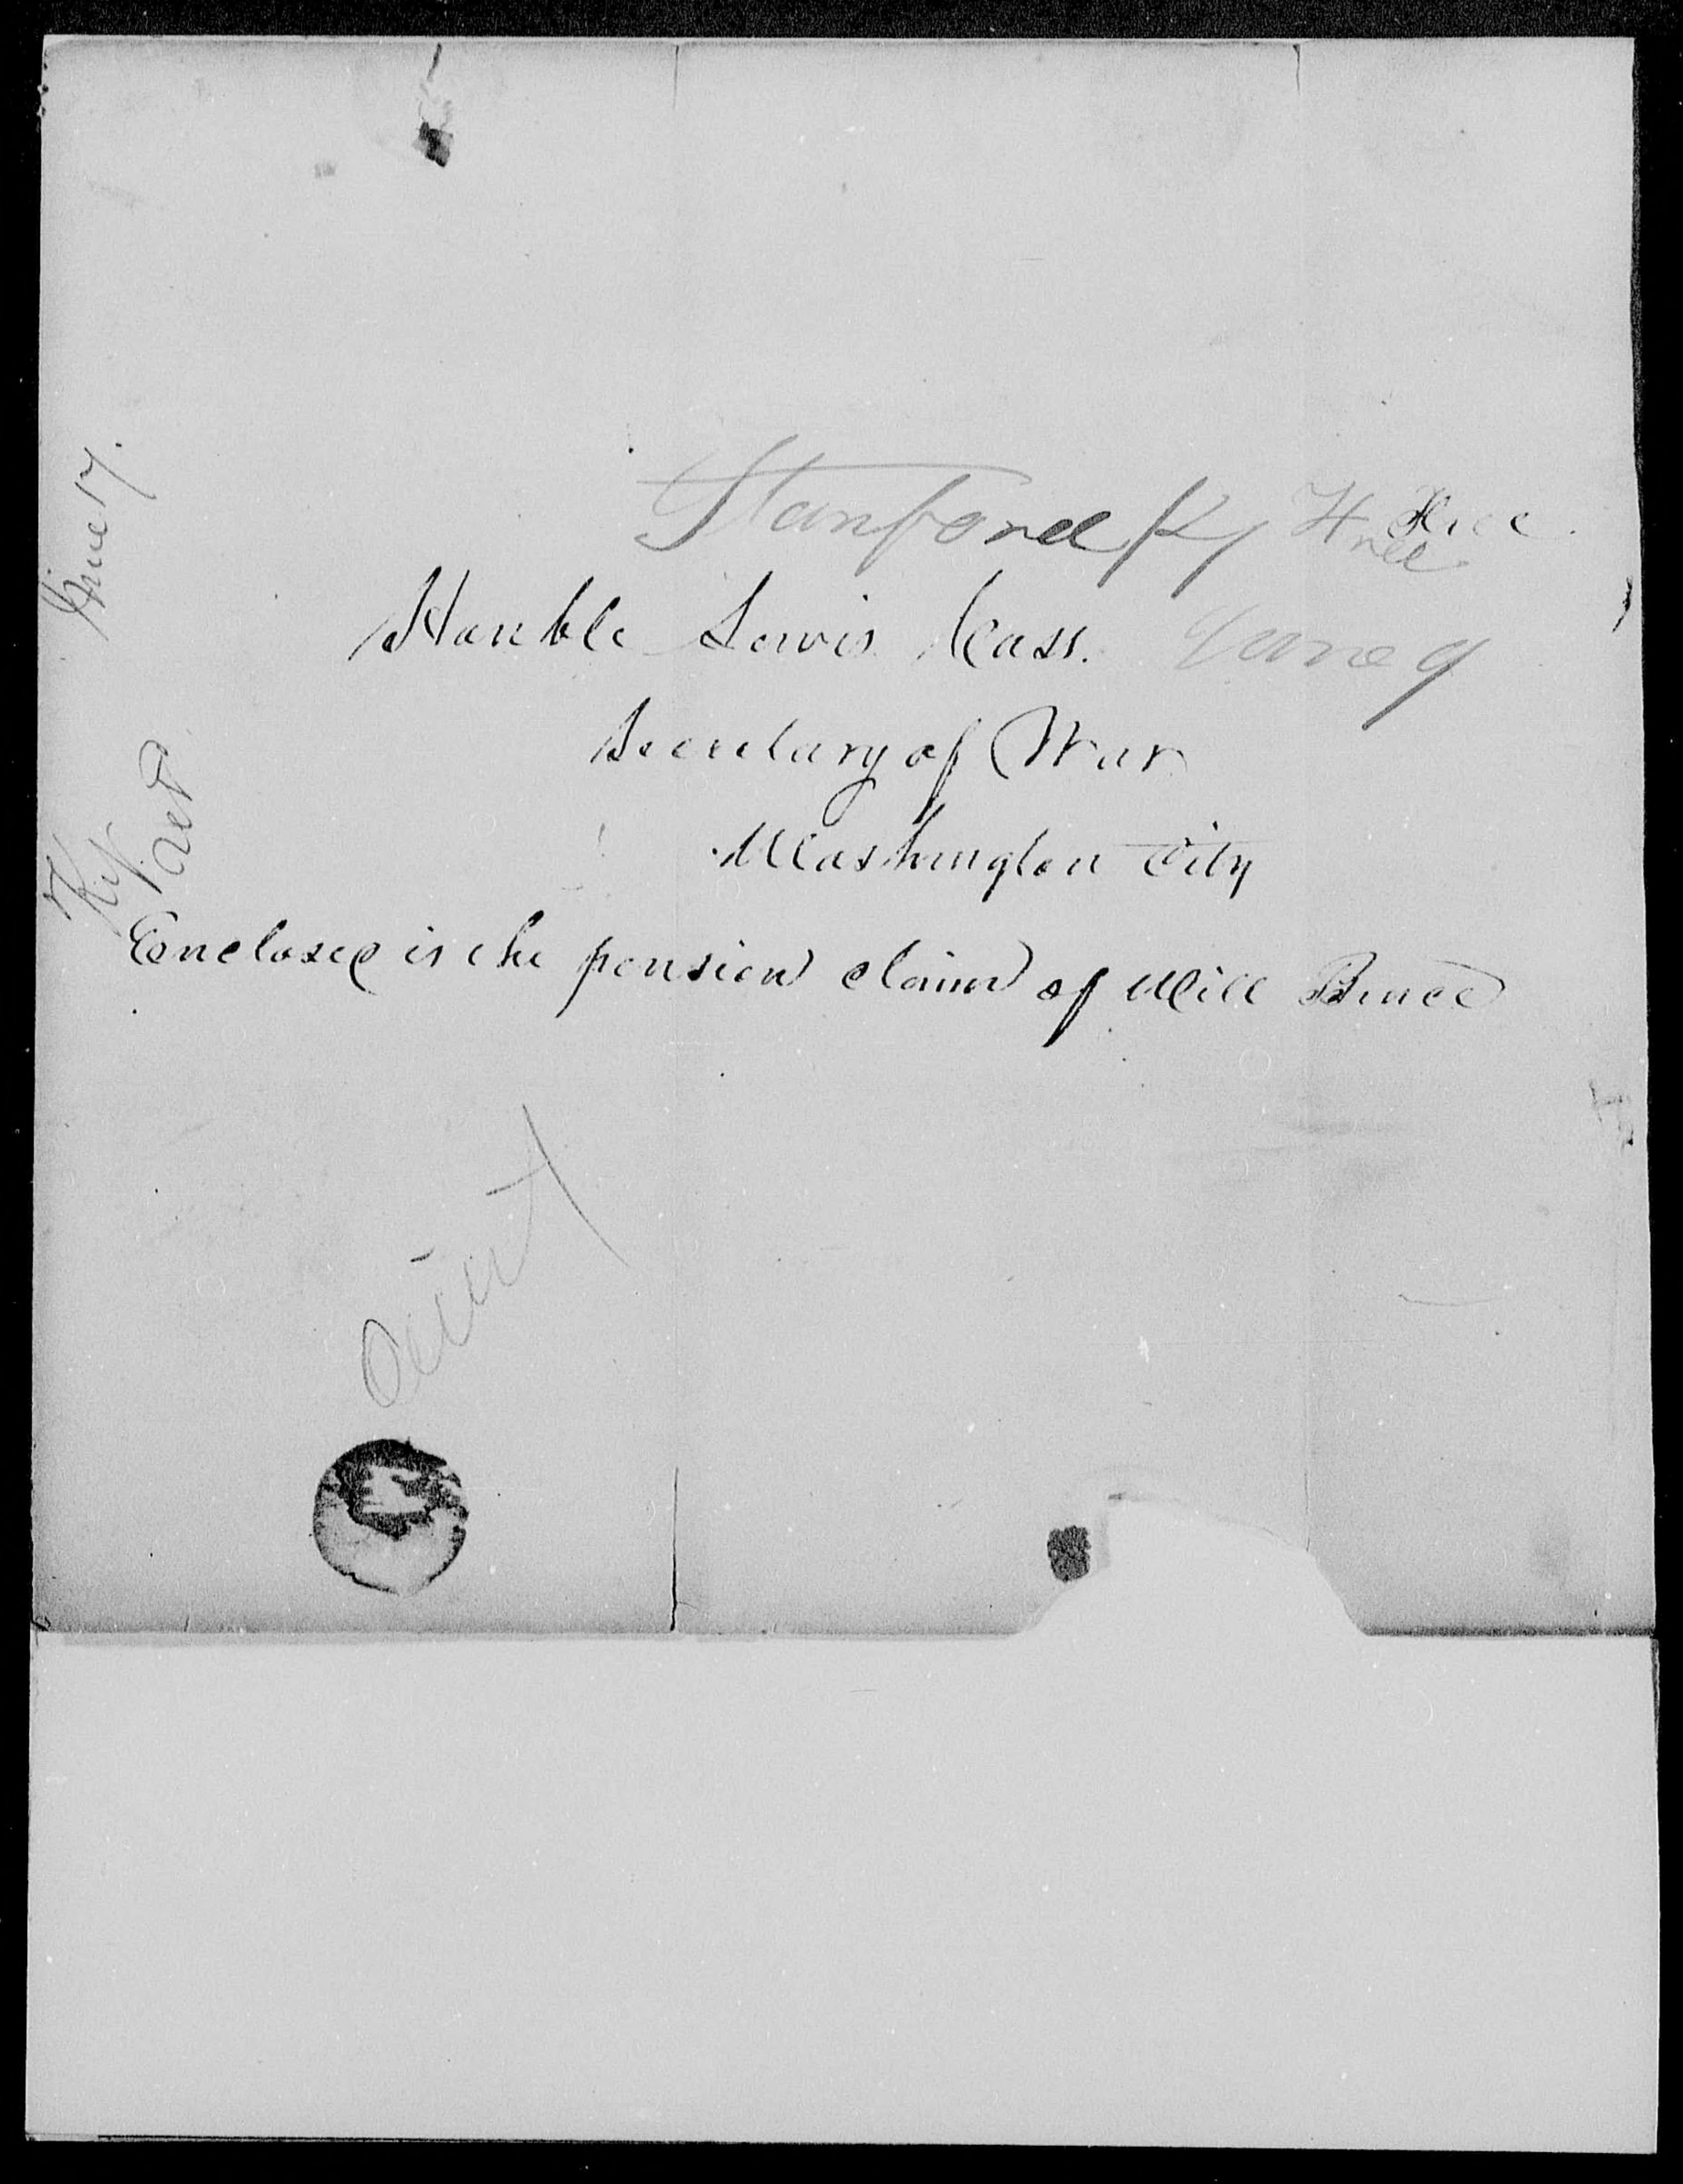[written sideways] Ky Act June 17

Stanford Ky Free
Honble [Honorable] Lewis Cass June 9
Secretary of War
Washington City

Enclosed is the pension claim of Will Bruce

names: Will Bruce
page: 24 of 54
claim: survivor's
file: S. 30287, William Bruce, N.C.